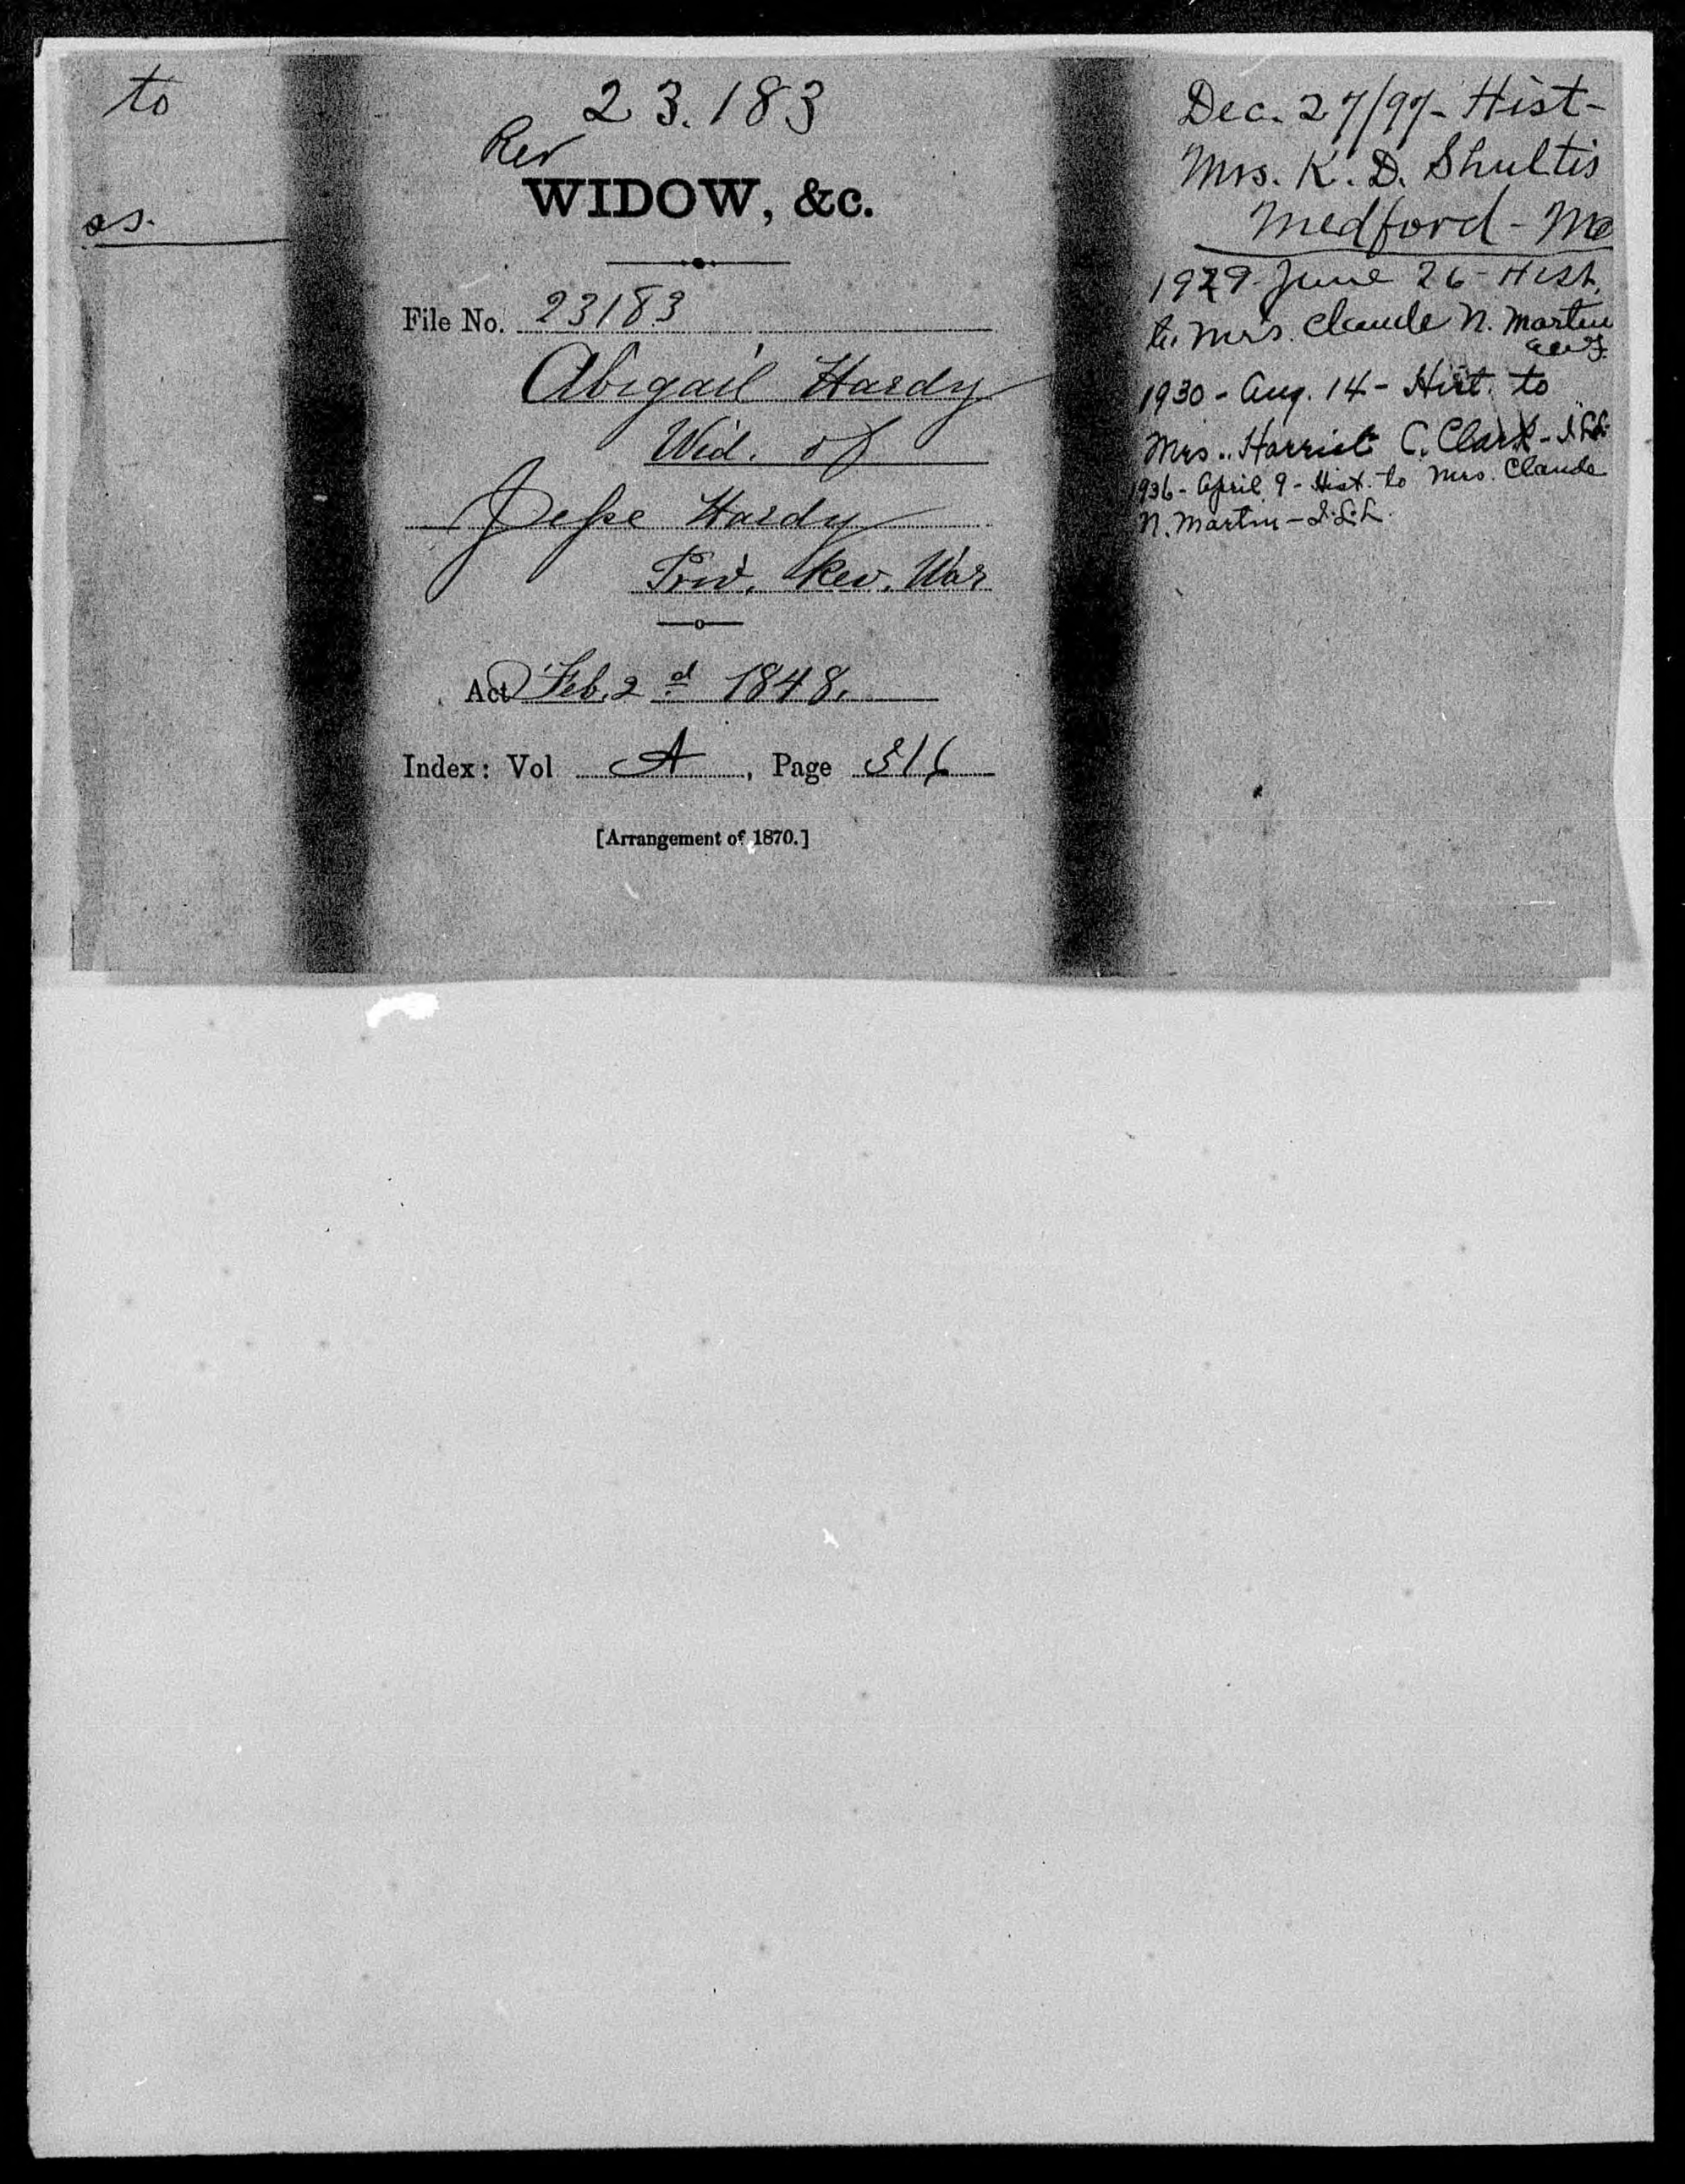to 23.183  Rev WIDOW, & c. 
File No. 23183 Abigail Hardy Wid of Jesse Hardy Prvt, Rev. War Act Feb. 2d 1848. 
Index: Vol. A, Page 316 
[Arrangement of 1870.] 
Dec. 27 /97 - Hist- Mrs. K.D. Shultis Medford Ma
1929, June 26 Hist to Mrs Claude N. Martin S 1930 - Aug. 14 - Hist to Mrs. Harriet C. Clark . April 9. Hist. to Mrs. Claude N. Martin-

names: Abigail Hardy, K D Shultis, Jesse Hardy, Claude N Martin, Harriet C Clark, Claude N Martin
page: 32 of 67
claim: widow's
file: W. 23183, Jesse Hardy, Mass.